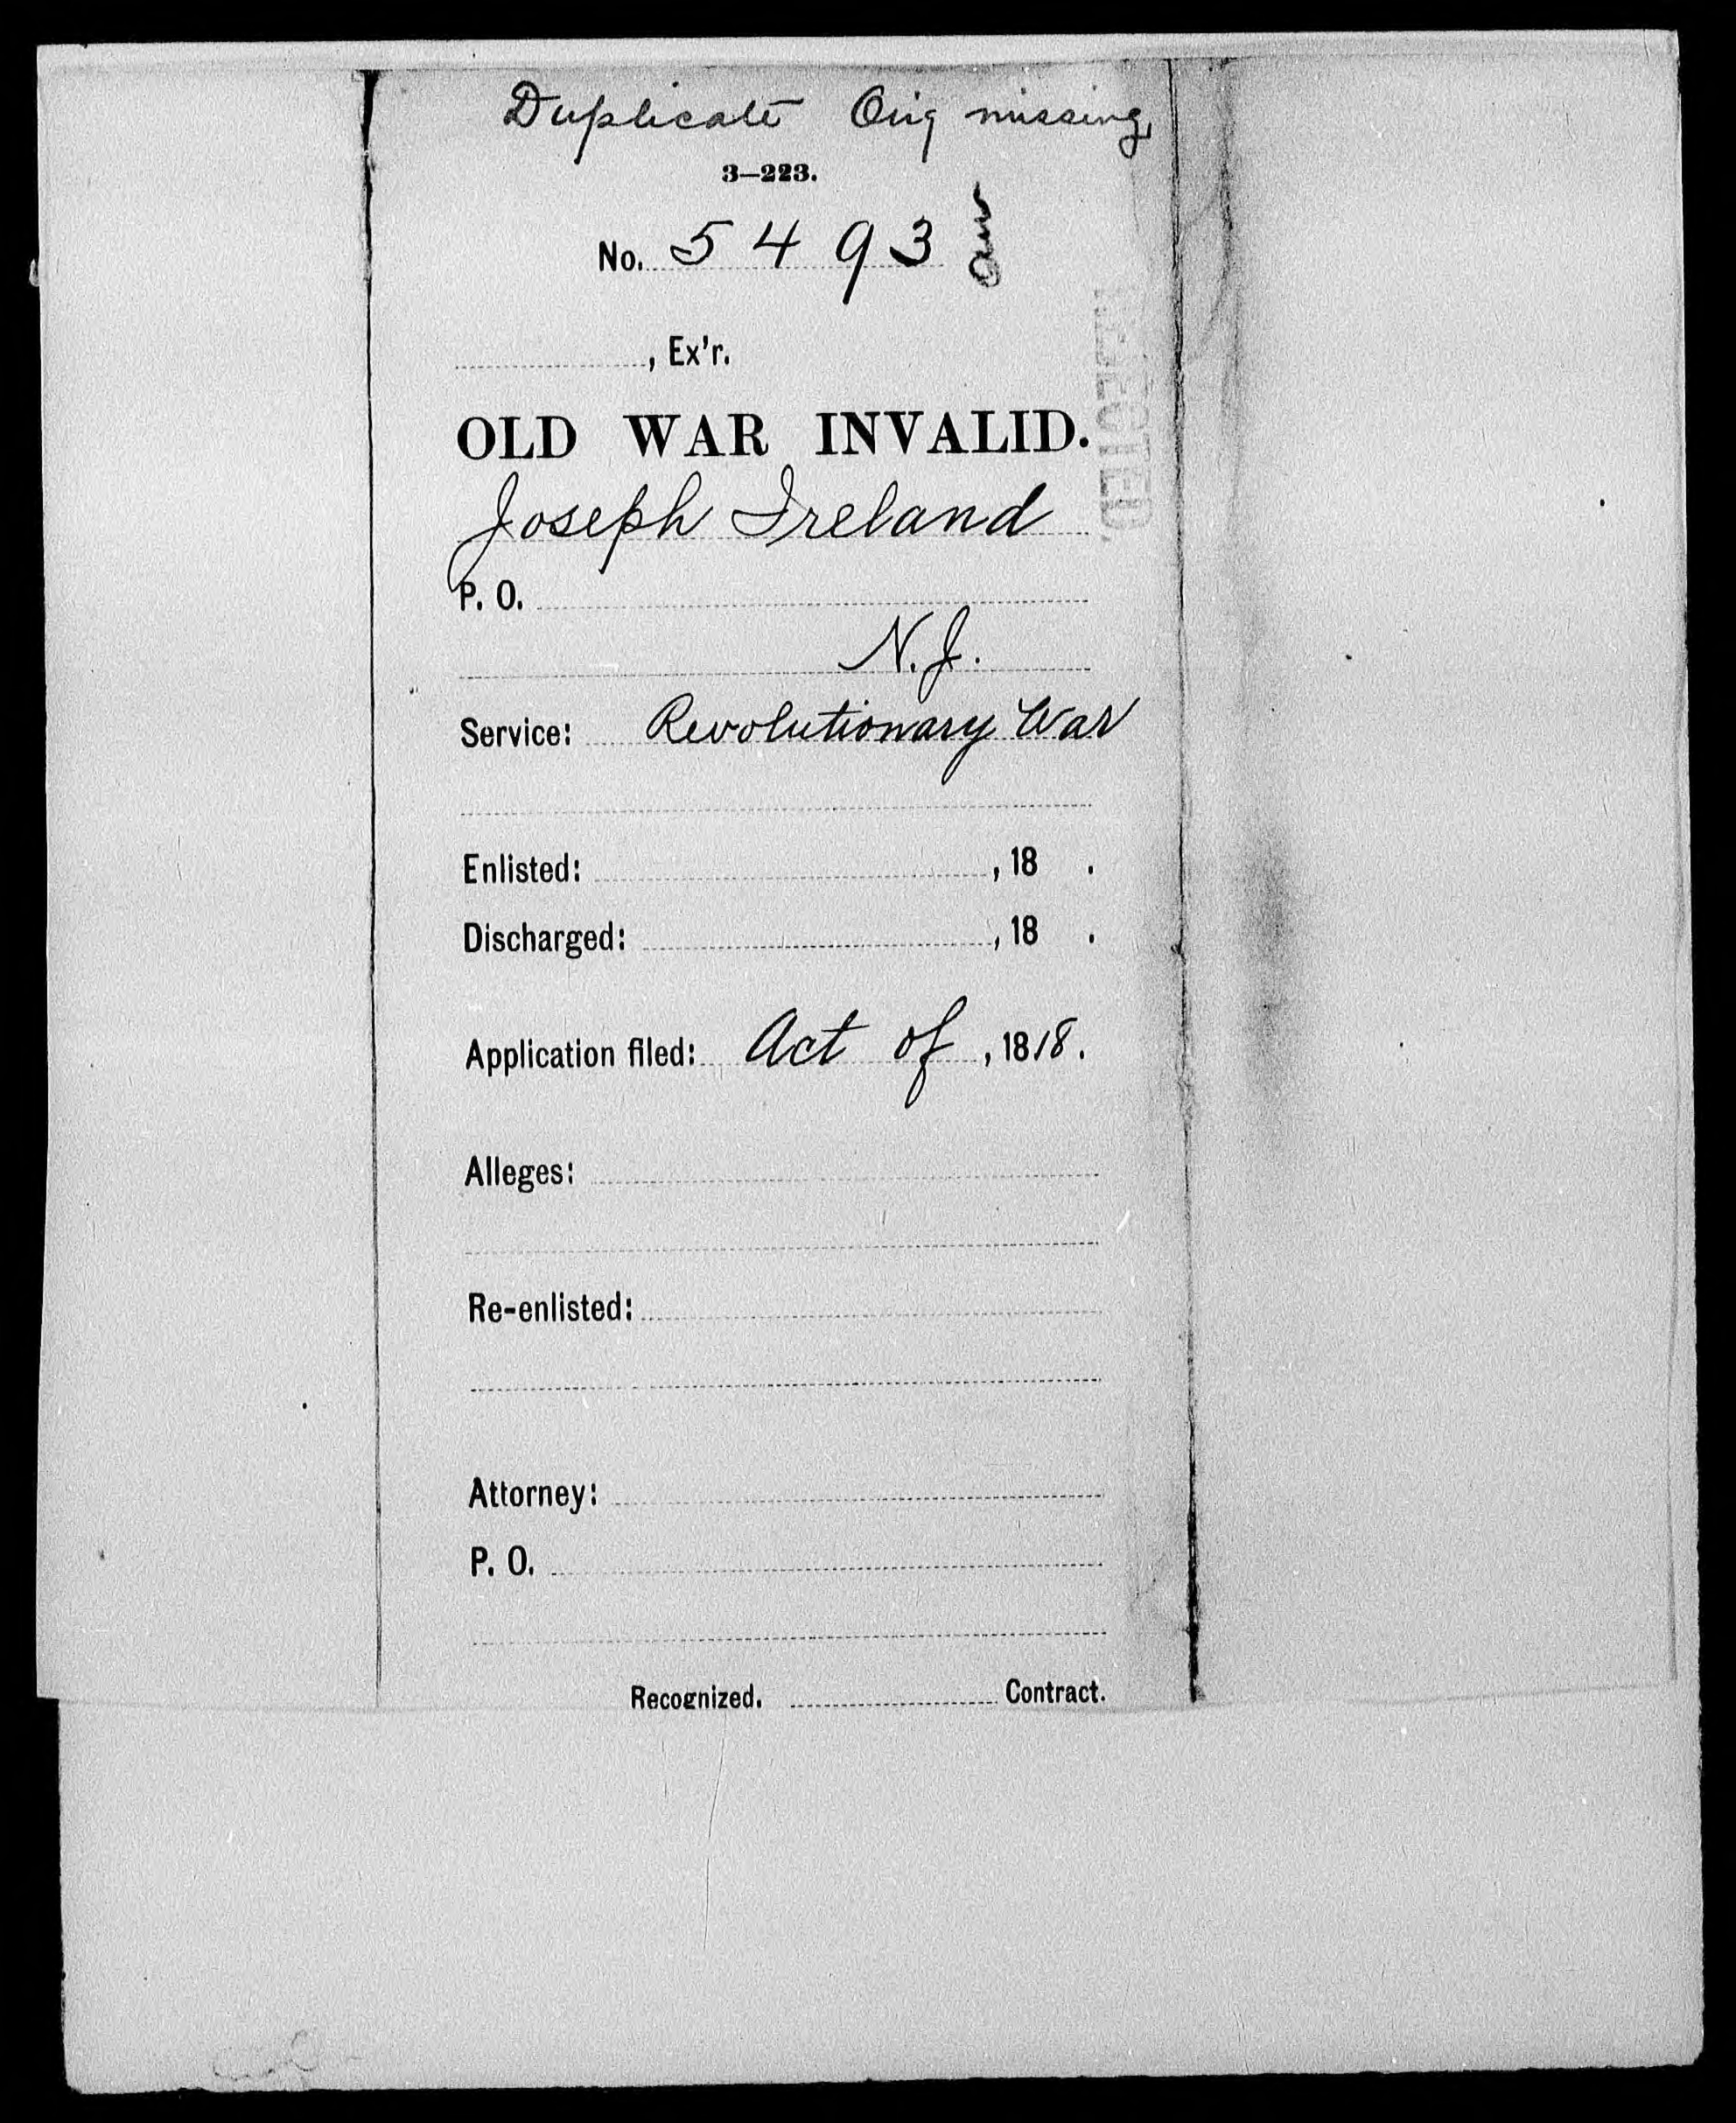Duplicate Org missing
3-223.
No. 5493
   , Ex'r
OLD WAR INVALID
Joseph Ireland
P.O.
N.J.
Service: Revolutionary War
Enlisted:     ,18
Discharged:    ,18
Application filed: Act of , 1818
Alleges:
Re-enlisted:
Attorney:
P.O.
Recognized,    Contract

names: Joseph Ireland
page: 3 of 6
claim: rejected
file: R. 5493, for Joseph Ireland, New Jersey